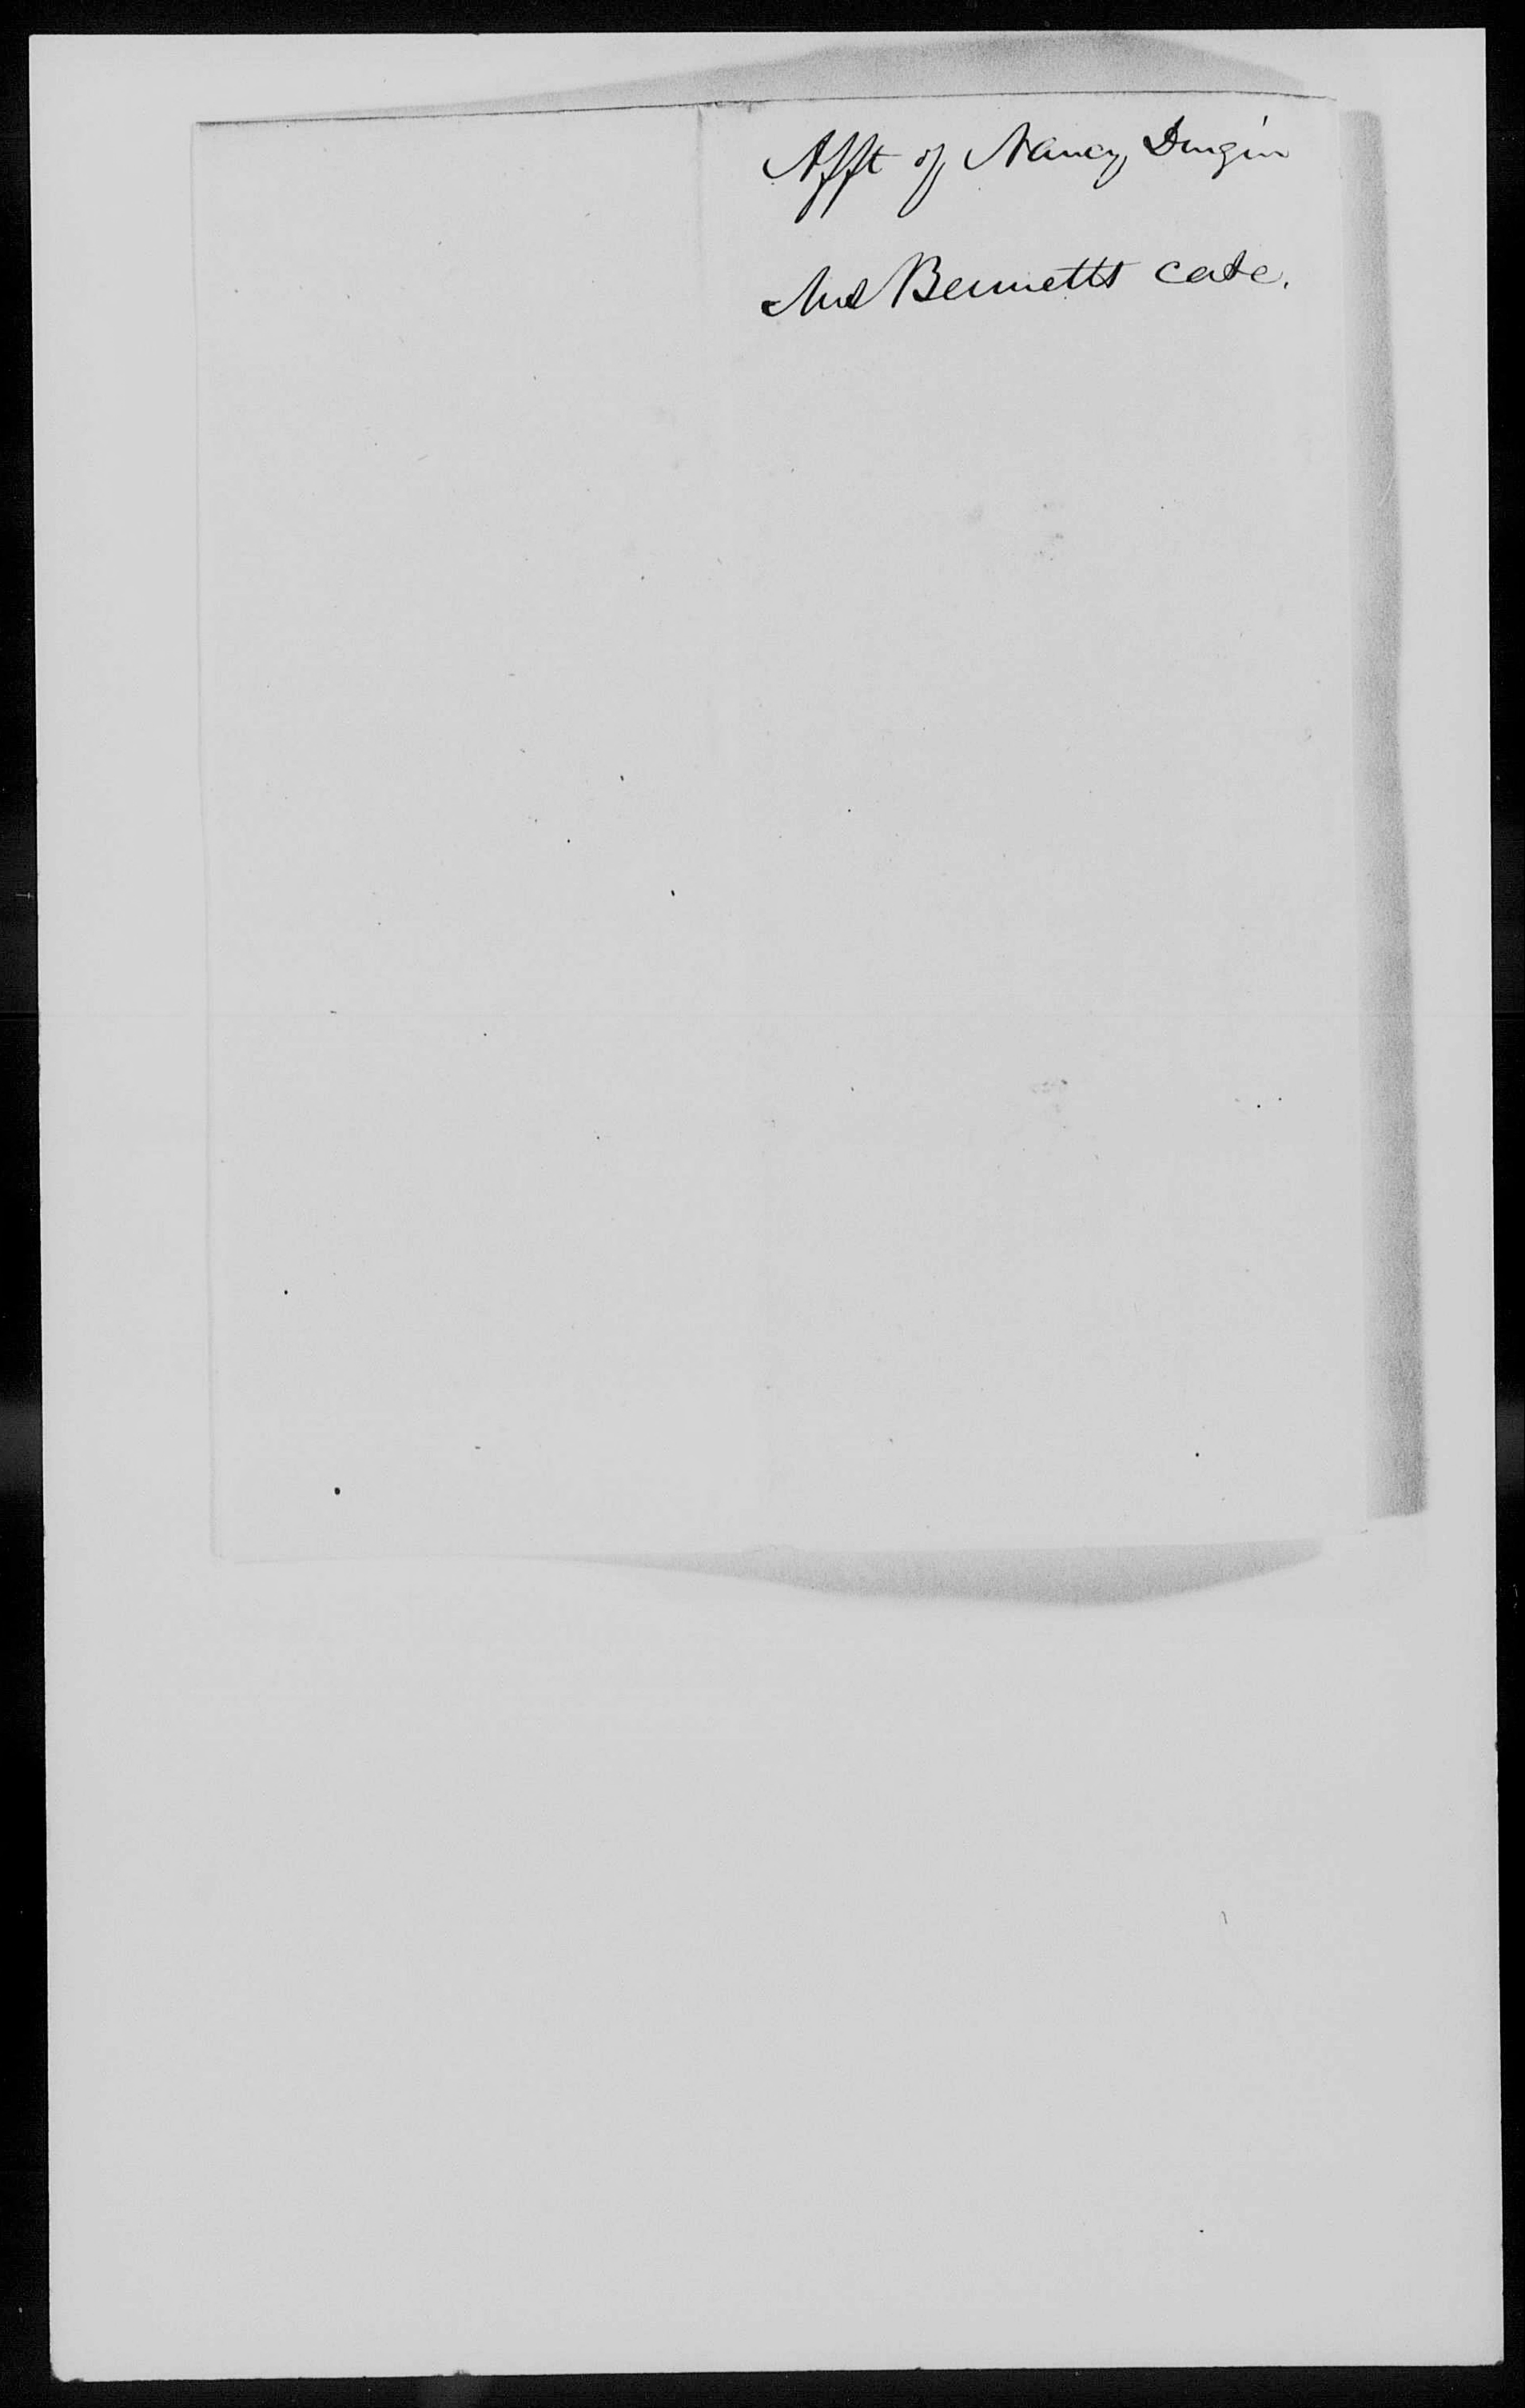Afft of Nancy Durgin
Ms Bennetts Case.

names: Nancy Durgin, Bennett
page: 22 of 43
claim: widow's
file: W. 21665, Ebenezer Bennett, N. H. Privateer.